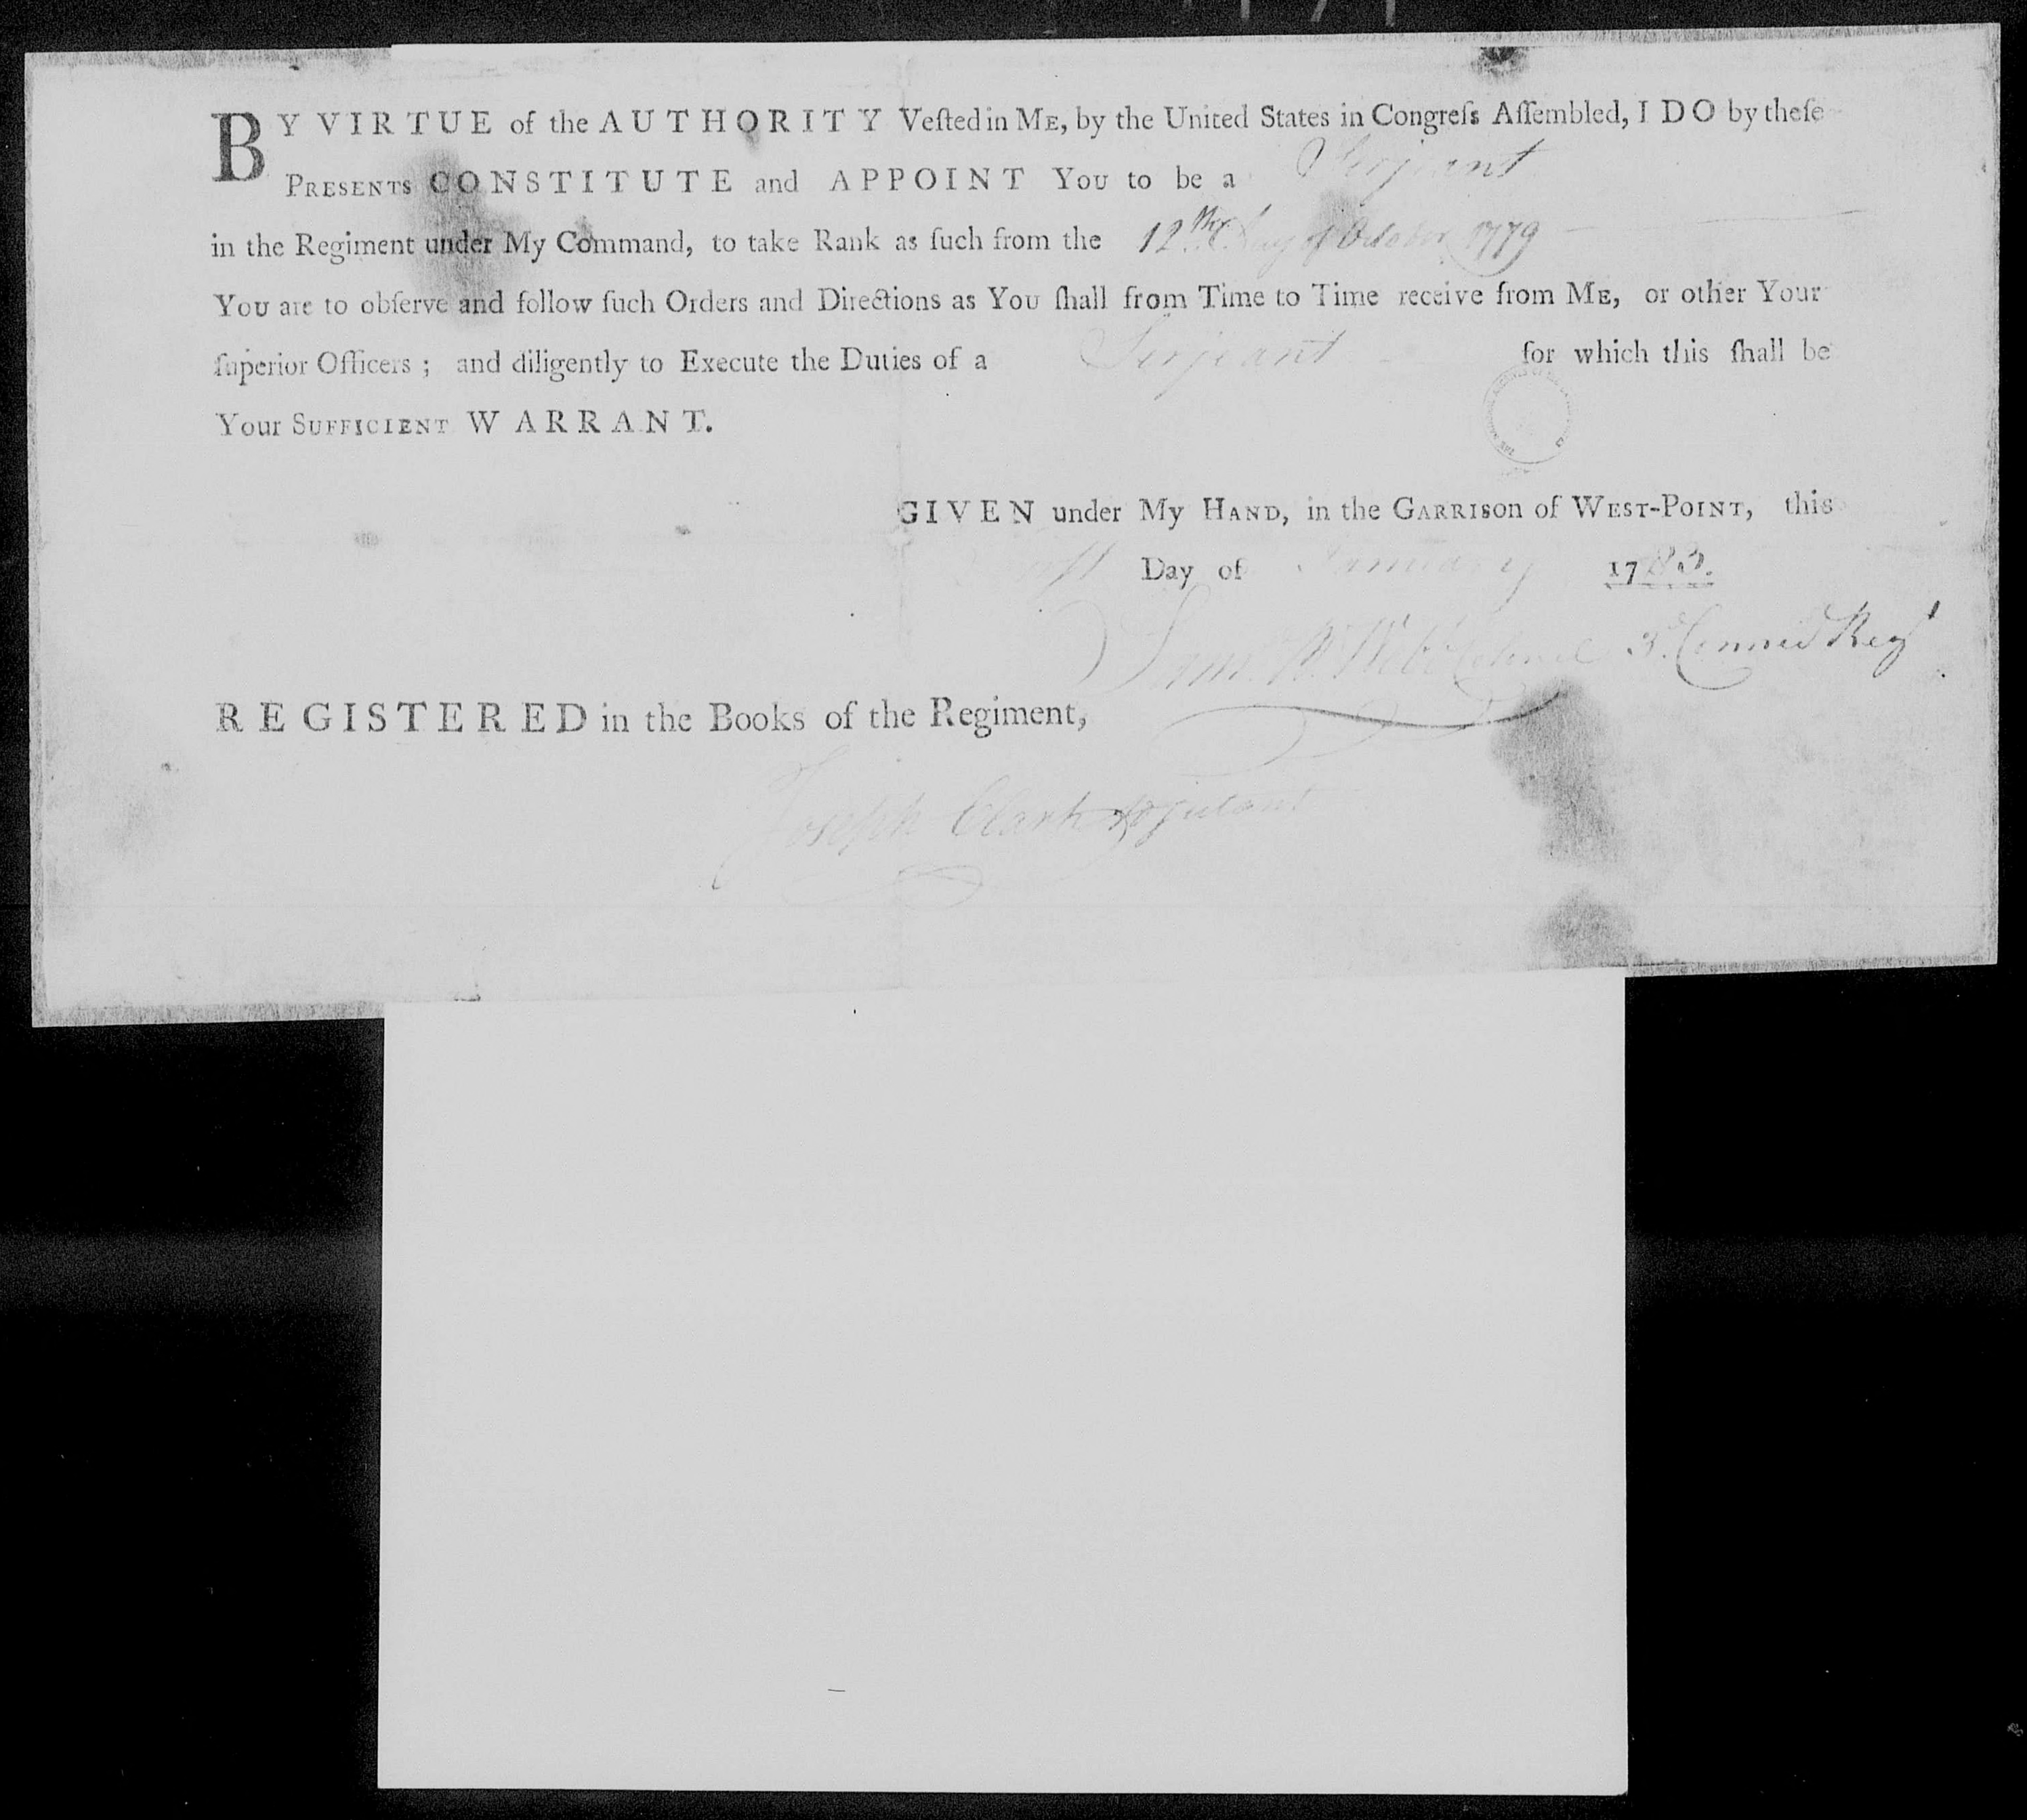BY VIRTUE of the AUTHORITY Vefted in Me, by the United States in Congrefs Affembled, I DO by thefe Presents CONSTITUE and APPOINT You to be a Sergeant in the Regiment under My Command, to take Rank as fuch from the 12th day of October 1779. 
YOU are to obferve and follow fuch Orders and Directions as You Fhall from Time to Time receive from ME, or other Your fuperior Officers; and diligently to Execute the Duties of a Sergeant for which this fhall be Your SUFFICIENT WARRANT.
GIVEN under My Hand, in the GARRISON OF WEST-POINT,  this [unk] Day of January 1783.
Saml Mc Michael 3d Connt Regt
REGISTERED in the Books of the Regiment
Joseph Clark Adjutant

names: Joseph Clark, Saml Mc Michael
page: 19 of 61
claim: widow's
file: W. 29,929, Hezekiah Betts, Conn.